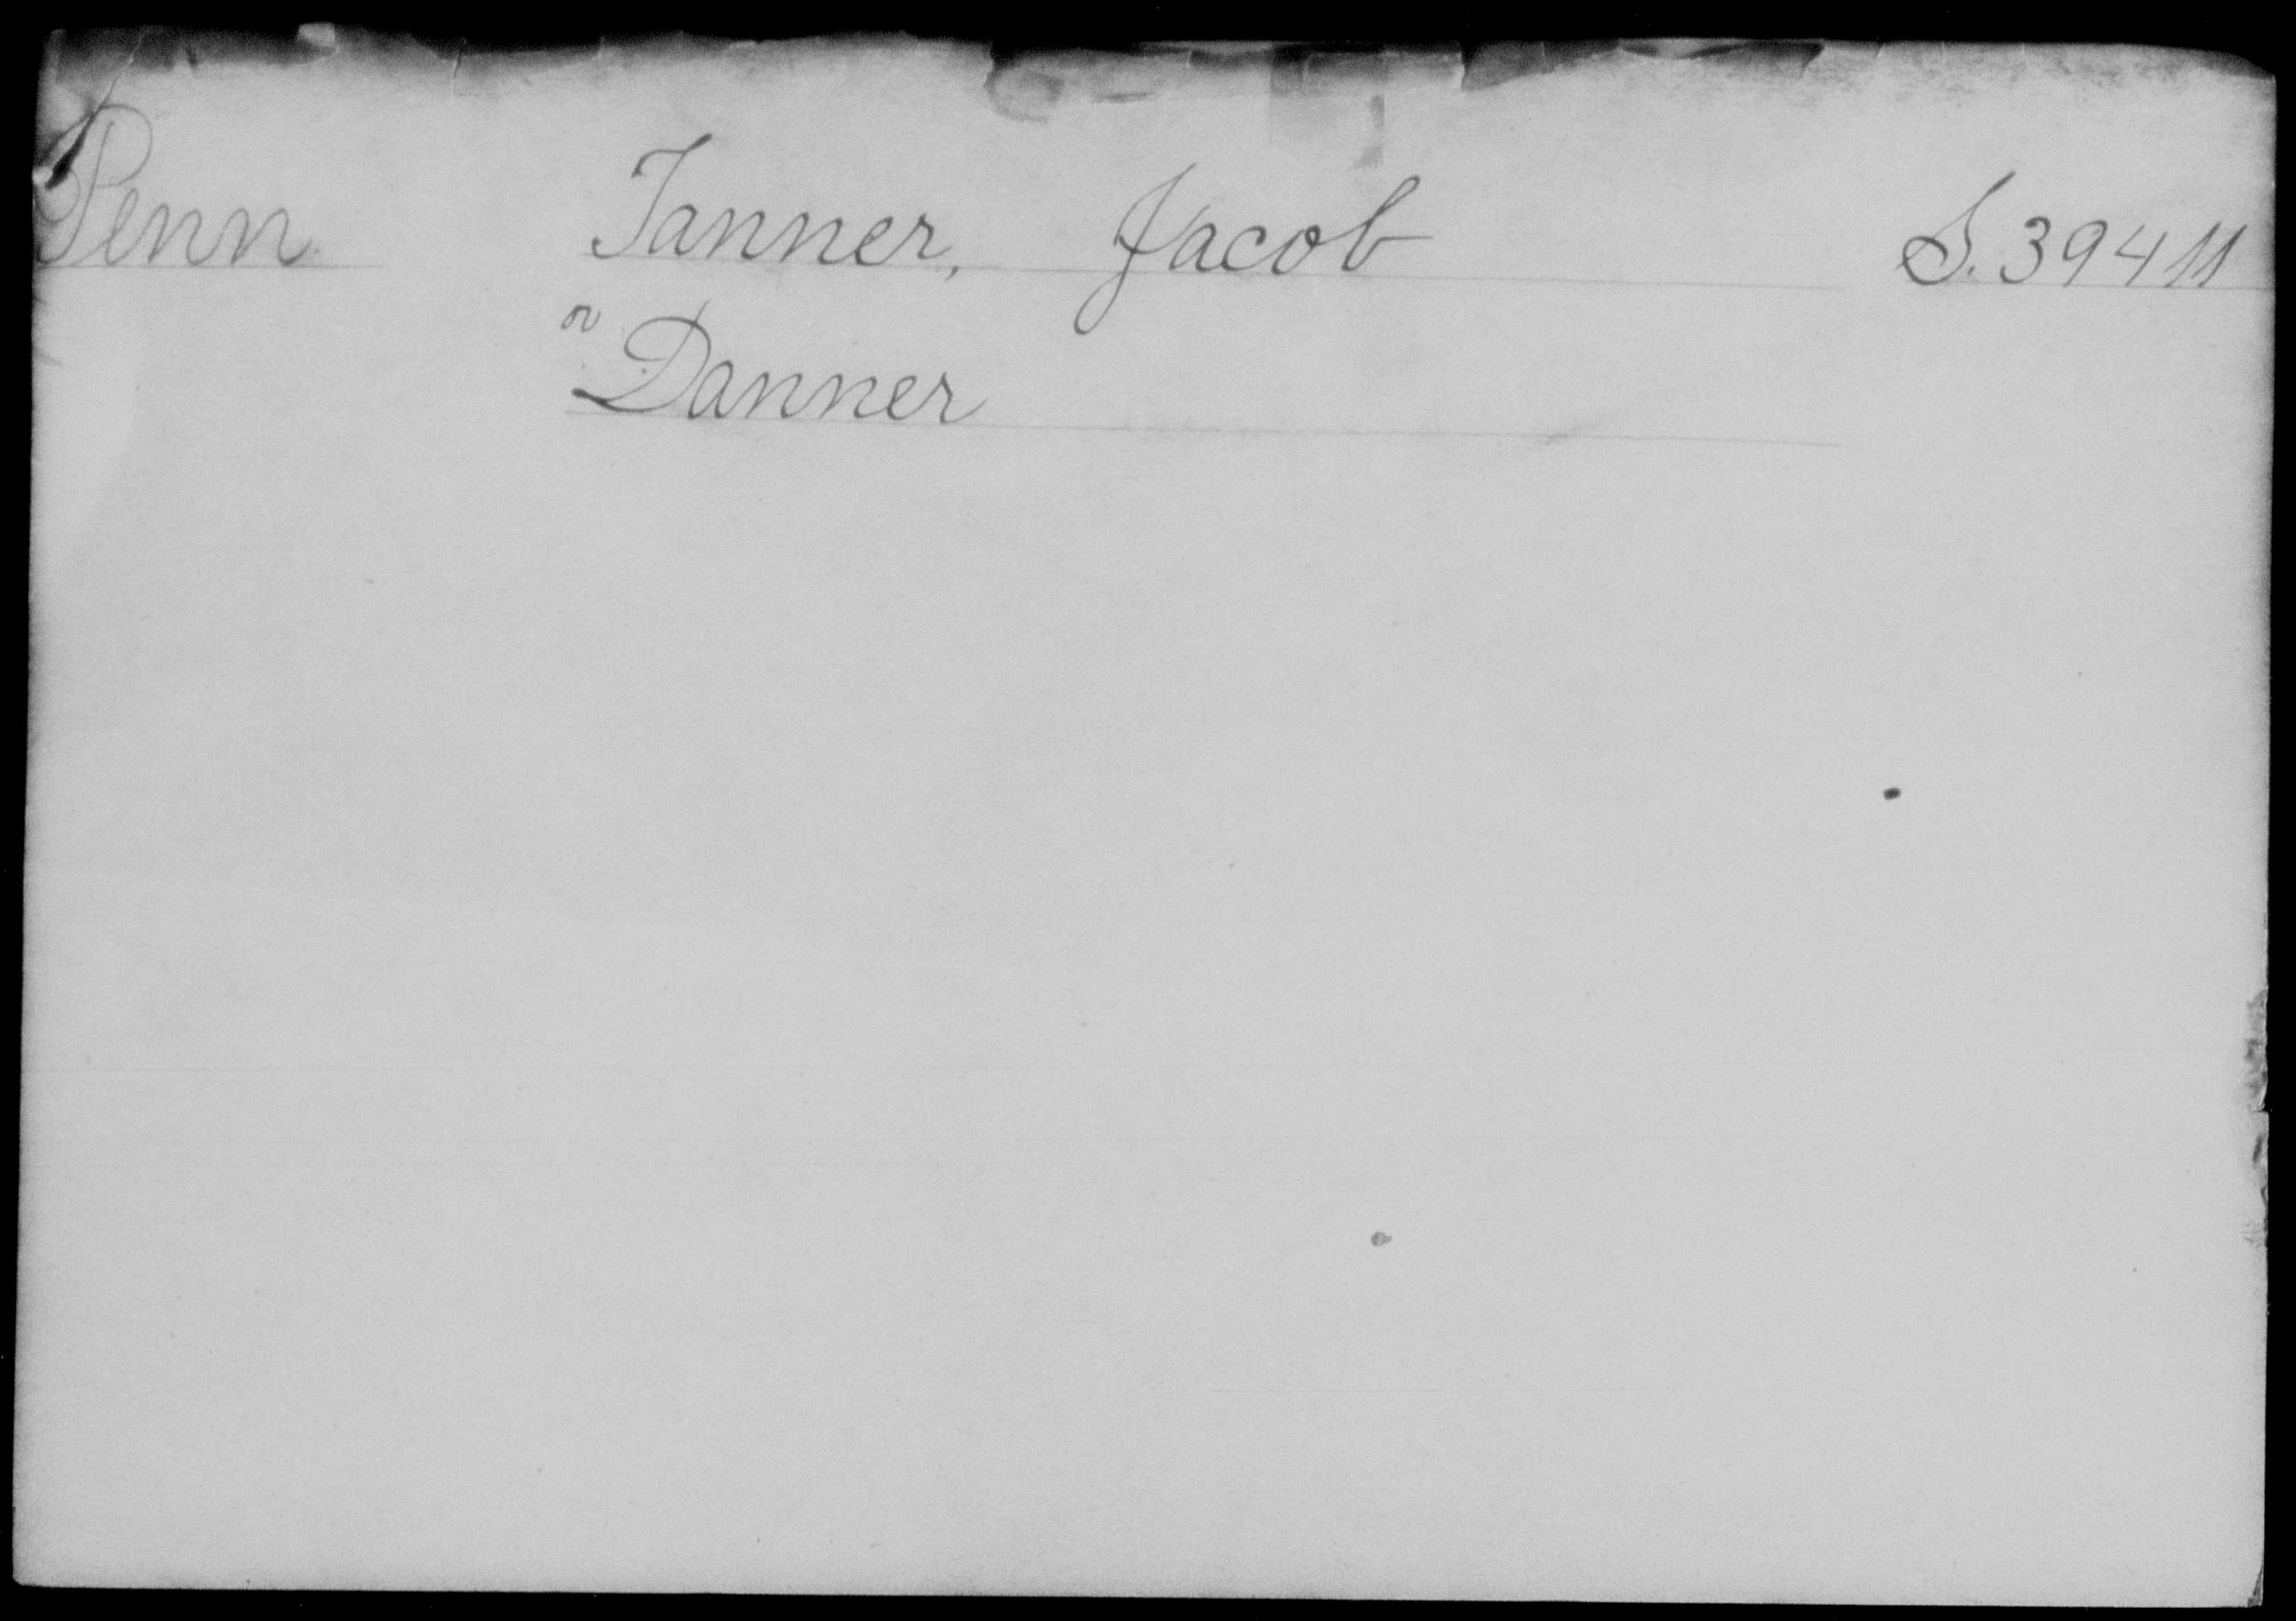Penn 
Tanner, Jacob S39411
"Danner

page: 1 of 1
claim: survivor's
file: S. 39411, for Jacob Tanner, Pennsylvania